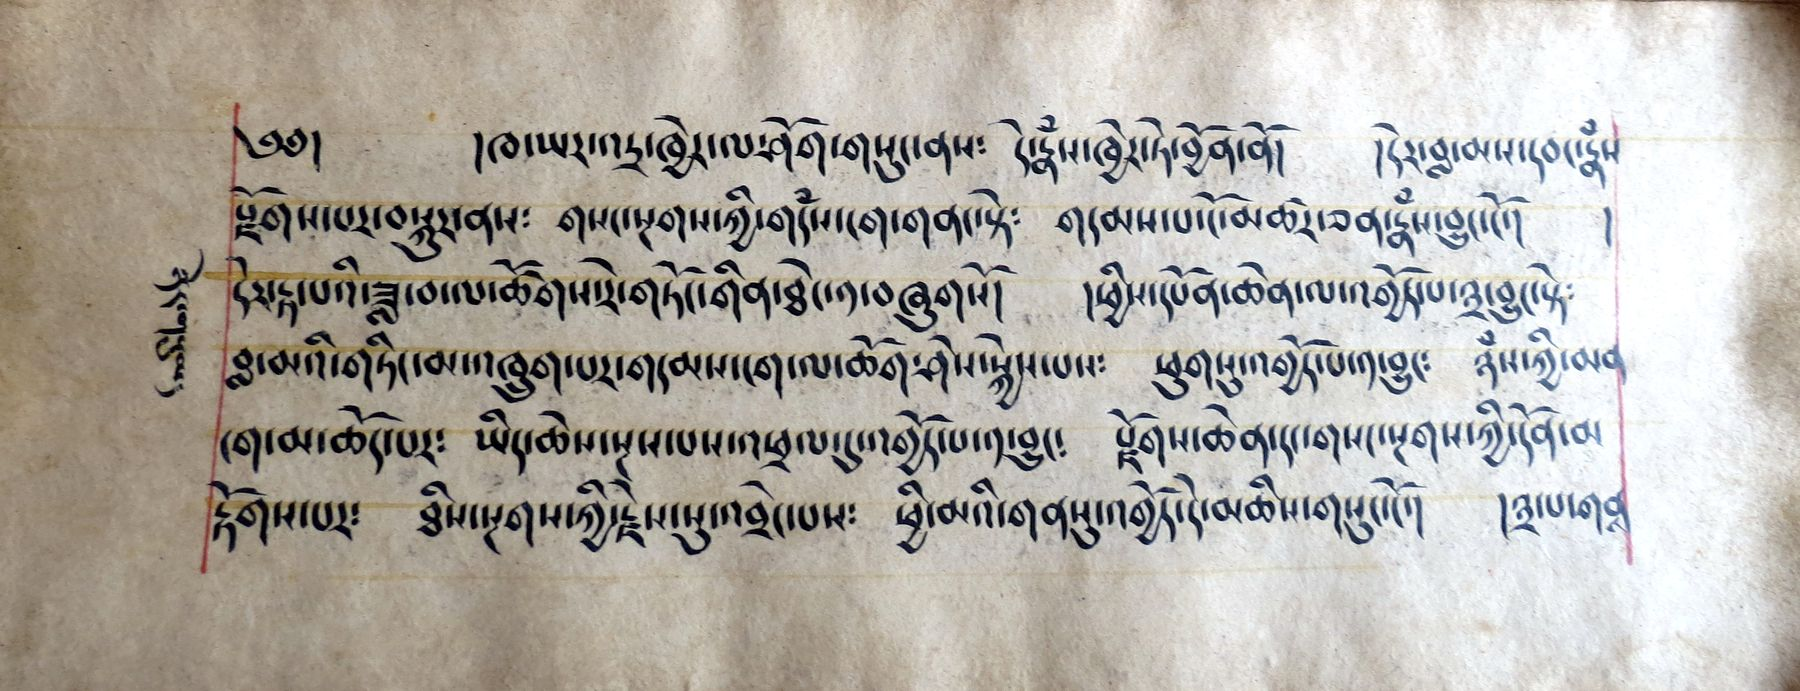ཁ་ཡར་དང་ཁྱེར་ལ་ཤོག་གསུངས་ནས། དེ་རྣམས་ཁྱེར་ཏེ་བྱོན་ནོ། །དེར་བླ་མས་དབང་རྣམས་
རྫོགས་པར་བསྐུར་ནས། སྔགས་ཀྱི་གདམས་ངག་གནང་སྟེ། གདམས་པ་ངོ་མཚར་ཅན་རྣམས་བྱུང་ངོ ། །
དེར་རྟ་པའི་ཟླ་བ་ལ་ཚོགས་རེ་གཏོང་གིན་ཐེངས་གཅིག་བཞུགས་སོ། །ཕྱིས་དཔོན་ཆེན་མུ་ཐུར་ལ་འགྱོད་པ་གསུམ་བྱུང་སྟེ། 
བླ་མའི་གཏིང་མ་འཁྲུགས་པར་གདམས་ངག་ལ་ཆོག་ཤེས་སྐྱེས་པས། ཕུགས་སུ་འགྱོད་པ་གཅིག་བྱུང་། ཉམས་ཀྱི་མན་
ངག་མ་ཆོད་པར། ཡིད་ཆེས་སྔས་པས་འཕྲལ་དུ་འགྱོད་པ་གཅིག་བྱུང་། རྫོགས་ཆེན་དང་སྔགས་ཀྱི་དོན་མ་
རྟོགས་པར། ཐིས་སྔགས་ཀྱི་རྗེས་སུ་འབྲེང་པས། ཕྱི་མའི་གནས་སུ་འགྱོད་དེ་མཆིས་གསུངས་སོ། །གསུམ་པ་གནས་